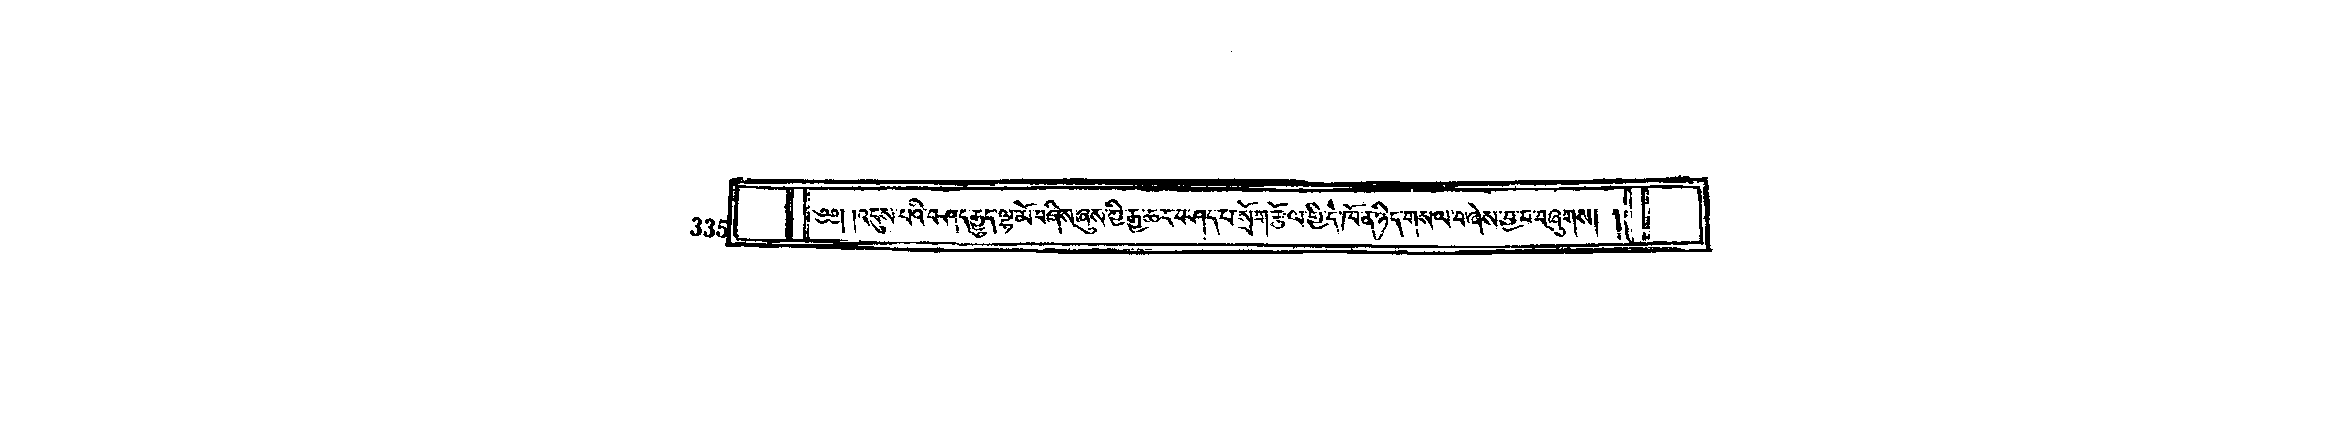༄༅། །འདུས་པའི་བཤད་རྒྱུད་ལྷ་མོ་བཞིས་ཞུས་ཀྱི་རྒྱ་ཆར་བཤད་པ་སྲོག་རྩོལ་གྱི་དེ་ཁོ་ན་ཉིད་གསལ་བ་ཞེས་བྱ་བ་བཞུགས། །